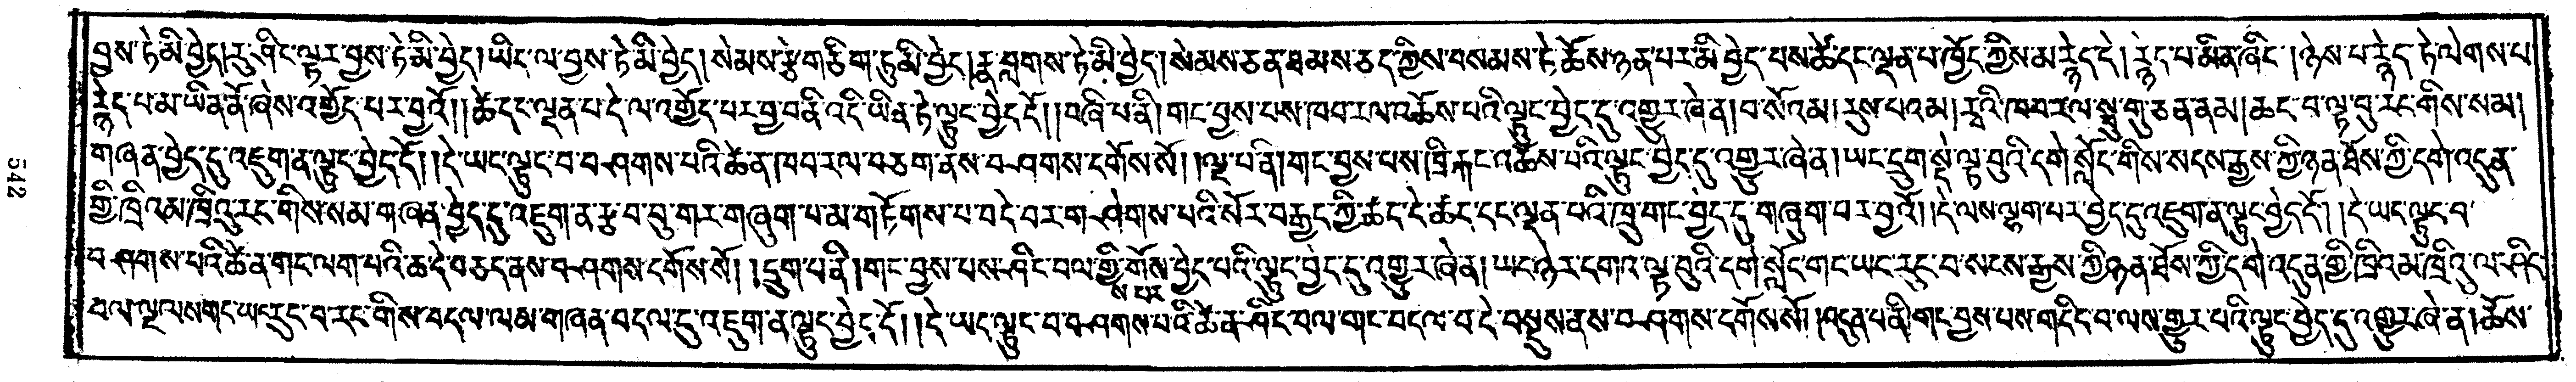བྱས་ཏེ་མི་བྱེད། རུ་ཤིང་ལྟར་བྱས་ཏེ་མི་བྱེད། ཡིད་ལ་བྱས་ཏེ་མི་བྱེད། སེམས་རྩེ་གཅིག་ཏུ་མི་བྱེད། རྣ་བླགས་ཏེ་མི་བྱེད། སེམས་ཅན་ཐམས་ཅད་ཀྱིས་བསམས་ཏེ་ཆོས་ཉན་པར་མི་བྱེད་པས་ཚེ་དང་ལྡན་པ་ཁྱོད་ཀྱིས་མ་རྙེད་དེ། རྙེད་པ་མིན་ཞིང་། ཉེས་པ་རྙེད་ཏེ་ལེགས་པ་
རྙེད་པ་མ་ཡིན་ནོ་ཞེས་འགྱོད་པར་བྱའོ། །ཚེ་དང་ལྡན་པ་དེ་ལ་འགྱོད་པར་བྱ་བ་ནི་འདི་ཡིན་ཏེ་ལྟུང་བྱེད་དོ། །བཞི་པ་ནི། གང་བྱས་པས་ཁབ་རལ་འཆོས་པའི་ལྟུང་བྱེད་དུ་འགྱུར་ཞེ་ན། བ་སོའམ། རུས་པའམ། རྭའི་ཁབ་རལ་སྦུ་གུ་ཅན་ནམ། ཆང་པ་ལྟ་བུ་རང་གིས་སམ།
གཞན་བྱེད་དུ་འཇུག་ན་ལྟུད་བྱེད་དོ། །དེ་ཡང་ལྟུང་བ་བཤགས་པའི་ཚེ་ན་ཁབ་རལ་བཅག་ནས་བཤགས་དགོས་སོ། །ལྔ་པ་ནི། གང་བྱས་པས་ཁྲི་རྐང་འཆོས་པའི་ལྟུང་བྱེད་དུ་འགྱུར་ཞེ་ན། ཡང་དྲུག་སྡེ་ལྟ་བུའི་དགེ་སློང་གིས་སངས་རྒྱས་ཀྱི་ཉན་ཐོས་ཀྱི་དགེ་འདུན་
གྱི་ཁྲིའམ་ཁྲིའུ་རང་གིས་སམ་གཞན་བྱེད་དུ་འཇུག་ན་རྩ་བ་བུ་གར་གཞུག་པ་མ་གཏོགས་པ་བདེ་བར་གཤེགས་པའི་སོར་བརྒྱད་ཀྱི་ཚད་དེ་ཚད་དང་ལྡན་པའི་ཁྲུ་གང་བྱེད་དུ་གཞུག་པར་བྱའོ། །དེ་ལས་ལྷག་པར་བྱེད་དུ་འཇུག་ན་ལྟུང་བྱེད་དོ། །དེ་ཡང་ལྟུང་བ་
བཤགས་པའི་ཚེ་ན་གང་ལག་པའི་ཆ་དེ་བཅད་ནས་བཤགས་དགོས་སོ། །དྲུག་པ་ནི་།གང་བྱས་པས་ཤིང་བལ་གྱིས་པར་གོས་བྱེད་པའི་ལྟུང་བྱེད་དུ་འགྱུར་ཞེ་ན། ཡང་ཉེར་དགའ་ལྟ་བུའི་དགེ་སློང་གང་ཡང་རུང་བ་སངས་རྒྱས་ཀྱི་ཉན་ཐོས་ཀྱི་དགེ་འདུན་གྱི་ཁྲིའམ་ཁྲིའུ་ལ་ཤིང་
བལ་ལྔ་ལས་གང་ཡང་རུང་བ་རང་གིས་བ་དལ་ལམ་གཞན་བདལ་དུ་འཇུག་ན་ལྟུང་བྱེད་དོ། །དེ་ཡང་ལྟུང་བ་བཤགས་པའི་ཚེ་ན་ཤིང་བལ་གང་བདལ་བ་དེ་བསྡུས་ནས་བཤགས་དགོས་སོ། །བདུན་པ་ནི། གང་བྱས་པས་གདིང་བ་ལས་གྱུར་པའི་ལྟུང་བྱེད་དུ་འགྱུར་ཞེ་ན། ཆོས་